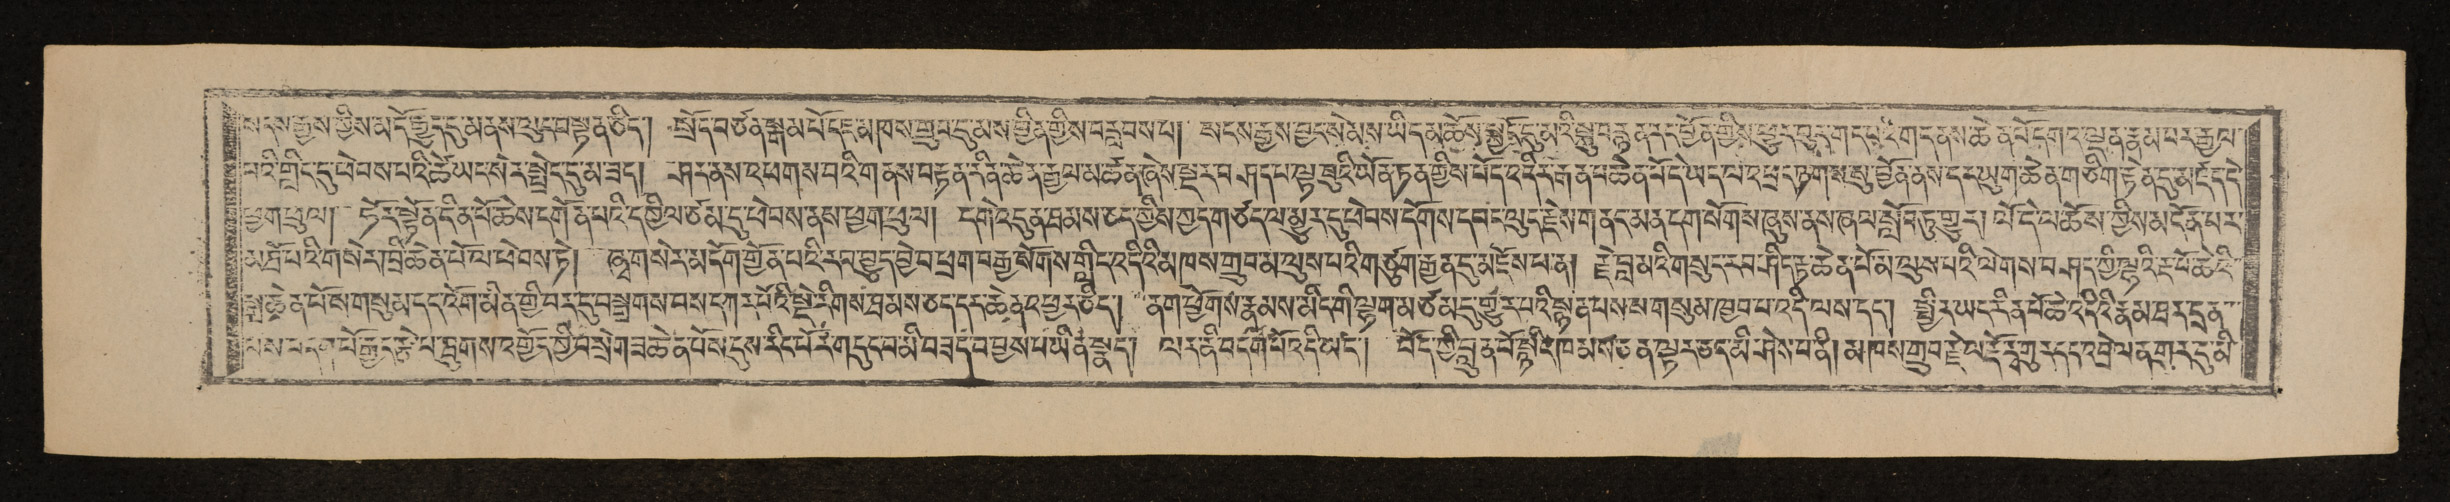སངས་རྒྱས་ཀྱིས་མདོ་རྒྱུད་དུ་མ་ནས་ལུང་བསྟན་ཅིང་། སྲོང་བཙན་སྒམ་པོ་དང་མཁས་གྲུབ་དུ་མས་བྱིན་གྱིས་བརླབས་པ། སངས་རྒྱས་བྱང་སེམས་ཡི་དམ་ཆོས་སྐྱེད་དུ་མའི་སྐུ་བརྙན་རང་བྱོན་གྱིས་ཕྱུར་བུར་གང་བའི་གདན་ས་ཆེན་པོ་དགའ་ལྡན་རྣམ་པར་རྒྱལ་
བའི་གླིང་དུ་ཕེབས་པའི་ཚེ་ཡང་སེར་སྦྲེང་དུ་མ་ཟད། ཤར་ནས་འཕགས་པའི་གནས་བརྟན་རིན་ཆེན་རྒྱལ་མཚན་ཞེས་སྔར་བཤད་པ་ལྟ་བུའི་ཡོན་ཏན་གྱིས་བོད་འདིར་རྒན་པ་ཆེན་པོ་དེ་ཡང་ལ་འཕྲང་ཉགས་སུ་བྱོན་ནས་དར་ཡུག་ཆེན་གཅིག་རྟེན་དུ་མཛད་དེ་
ཕྱག་ཕུལ། ཧོར་སྟོན་རིན་པོ་ཆེས་དགོན་པའི་དཀྱིལ་ཙམ་དུ་ཕེབས་ནས་ཕྱག་ཕུལ། དགེ་འདུན་ཐམས་ཅད་ཀྱིས་ཀྱང་གཙང་ལ་མྱུར་དུ་ཕེབས་དོགས་དབང་ལུང་རྗེས་གནང་མན་ངག་སོགས་ཞུས་ནས་ཞལ་སློབ་ཏུ་གྱུར། ལོ་དེ་ལ་ཆོས་ཀྱིས་མངོན་པར་
མཐོ་པའི་གསེར་ཁྲི་ཆེན་པོ་ལ་ཕེབས་ཏེ། ཞྭ་གསེར་མདོག་གྱོན་པའི་རབ་བྱུང་བྱེ་བ་ཕྲག་བརྒྱ་སོགས་གླིང་འདིའི་མཁས་གྲུབ་མ་ལུས་པའི་གཙུག་རྒྱན་དུ་མཛེས་པ་ན། རྗེ་བླ་མའི་གསུང་རབ་ཤིང་རྟ་ཆེན་པོ་མ་ལུས་པའི་ལེགས་བཤད་ཀྱི་ལྷའི་རྔ་བོ་ཆེའི་
སྒྲ་ཆེན་པོ་ས་གསུམ་དང་འོག་མིན་གྱི་བར་དུ་བསྒྲགས་པས་དཀར་པོའི་སྡེ་རིགས་ཐམས་ཅད་དར་ཆེན་འཕྱར་ཅིང་། ནག་ཕྱོགས་རྣམས་མིང་གི་ལྷག་མ་ཙམ་དུ་གྱུར་པའི་སྙན་པས་ས་གསུམ་ཁྱབ་པ་འདི་ལས་དང་། སྤྱིར་ཡང་རིན་པོ་ཆེ་འདིའི་རྣམ་ཐར་དྲན་
པས་བདག་པོ་རྒྱང་རྩེ་པ་ཐུགས་འགྱོད་ཀྱི་བསྲེག་ཟ་ཆེན་པོས་དུས་རིང་པོར་གདུང་བ་མི་བཟད་པ་བྱས་པ་ཡིན་སྣང་། ལར་ནི་བདག་པོ་འདི་ཡང་། བོད་ཀྱི་བླུན་པོ་སྙིང་ཁམས་ཅན་ལྟར་ཅང་མི་ཤེས་པ་ནི། མཁས་གྲུབ་རྗེ་ལ་རྡོ་རྭ་གུར་དང་འགྲེལ་ན་གུར་དུ་མི་